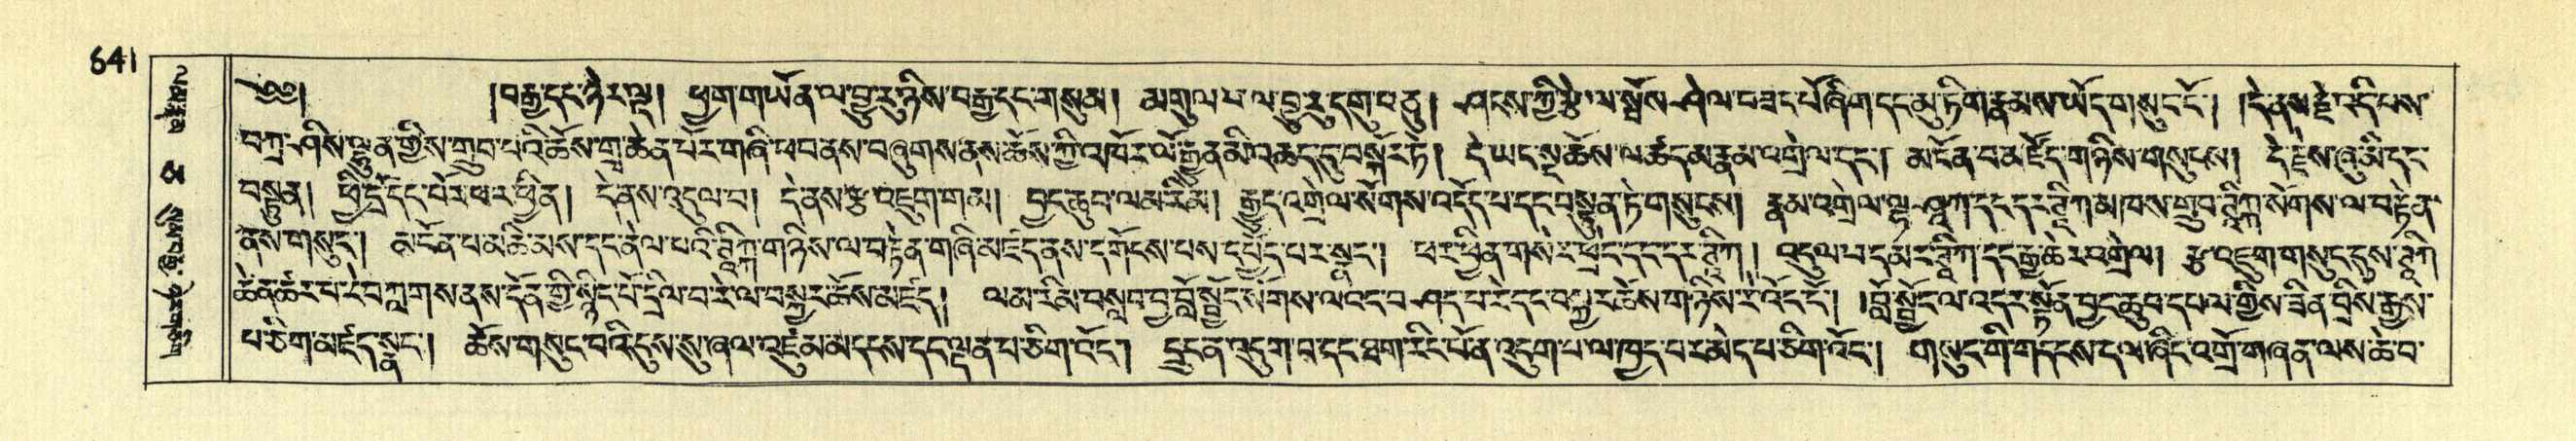༄༅། །བརྒྱ་དང་ཉེར་ལྔ། ཕྱག་གཡོན་ལ་བྱུ་རུ་ཉིས་བརྒྱ་དང་གསུམ། མགུལ་པ་ལ་བྱུ་རུ་དགུ་བཅུ། ཤངས་ཀྱི་རྩེ་ལ་སྦོས་ཤེལ་བཟང་པོ་ཞིག་དང་མུ་ཏིག་རྣམས་ཡོད་གསུང་ངོ། །དེ་ནས་རྗེ་འདི་པས་
བཀྲ་ཤིས་ལྷུན་གྱིས་གྲུབ་པའི་ཆོས་གྲྭ་ཆེན་པོར་གཞི་ཕབ་ནས་བཞུགས་ནས་ཆོས་ཀྱི་འཁོར་ལོ་རྒྱུན་མི་འཆད་དུ་བསྐོར་ཏེ། དེ་ཡང་སྔ་ཆོས་ལ་ཚད་མ་རྣམ་འགྲེལ་དང་། མངོན་བ་མཛོད་གཉིས་གསུངས། དེ་རྗེས་ཞུ་མི་དང་
བསྟུན། ཕྱི་དྲོ་དང་པོར་ཕར་ཕྱིན། དེ་ནས་འདུལ་བ། དེ་ནས་རྩ་འཇུག་གམ། བྱང་ཆུབ་ལམ་རིམ། རྒྱུད་འགྲེལ་སོགས་འདོད་པ་དང་བསྟུན་ཏེ་གསུངས། རྣམ་འགྲེལ་ལྷ་ཤཱ་ཀ་དང་དར་ཊཱིཀ་མཁས་གྲུབ་ཊཱིཀྐ་སོགས་ལ་བརྟེན་
ནས་གསུང་། མངོན་པ་མཆི་མས་དང་ནེལ་པའི་ཊཱིཀྐ་གཉིས་ལ་བརྟེན་གཞི་མཛད་ནས་དགོངས་པས་དཔྱོད་པར་སྣང་། ཕར་ཕྱིན་གསེར་ཕྲེང་དང་དར་ཊཱིཀ། འདུལ་པ་དམར་ཊཱིཀ་དང་རྒྱ་ཆེར་འགྲེལ། རྩ་འཇུག་གསུང་དུས་ཊཱིཀ་
ཆེན་ཚར་པ་རེ་བཀླགས་ནས་དོན་གྱི་སྙིང་པོ་དྲིལ་བ་རེ་ལ་བསྐྱར་ཆོས་མཛད། ལམ་རིམ་བསླབ་བྱ་བློ་སྦྱོང་སོགས་ལའང་བཤད་པ་རེ་དང་བསྐྱར་ཆོས་གཉིས་རེ་འོང་ངོ། །བློ་སྦྱོང་ལ་འདར་སྟོན་བྱང་ཆུབ་དཔལ་གྱིས་ཟིན་བྲིས་རྒྱས་
པ་ཅིག་མཛད་སྣང་། ཆོས་གསུང་བའི་དུས་སུ་ཞལ་འཛུམ་མདངས་དང་ལྡན་པ་ཅིག་འོང་། དྲུང་ན་འདུག་བ་དང་ཐག་རིང་པོ་ན་འདུག་པ་ལ་ཁྱད་པར་མེད་པ་ཅིག་འོང་། གསུང་གི་གདངས་དལ་ཞིང་འགྲོ་གཞན་ལས་ཆེ་བ་